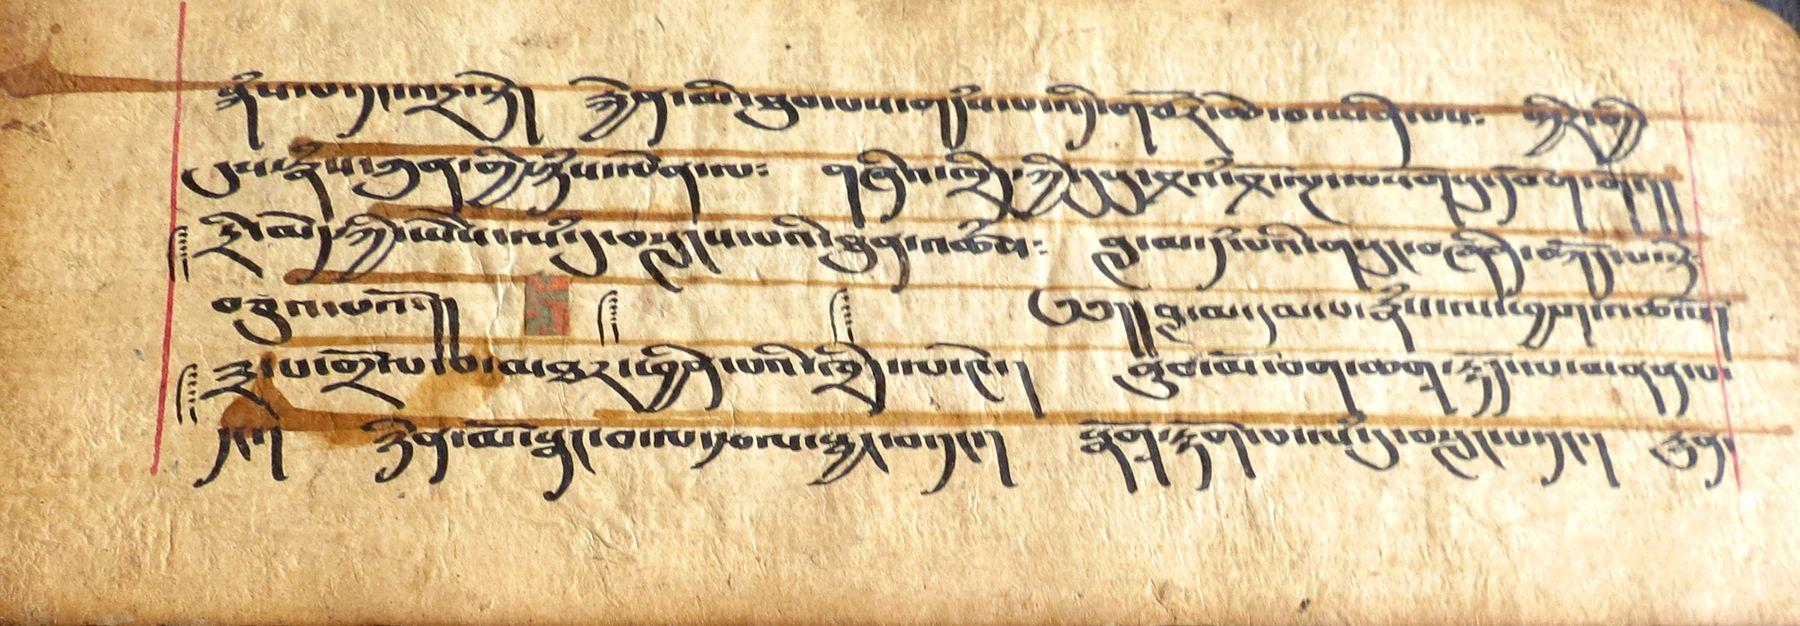སྐམ་པ་དང་འདྲ་སྟེ། རྐྱེན་མི་ཐུབ་པས་གདམས་པ་འདི་གཙོ་ཆེ་བ་ཡིན་པས། སྤྱིར་གྱི་
དུས་རྣམས་ཀུན་གྱི་ཉམས་ལེན་ལ། གཞི་ཁྲིད་ཀྱི་དུས་སུ་བཅུའམ་བཅོ་ལྔ་ལ་སོགས་སུ་འབོག་གོ། 
དྲི་མེད་ཀྱི་ཡེ་ཤེས་ལམ་དུ་བསླངས་བའི་ཐུན་མཚམས། བླ་མ་དམ་པའི་གསུངས་བཞིན་བཀོད་པ་སྟེ་
བཅུ་པའོ། ། བླ་མ་དམ་པ་རྣམས་ལ་ཕྱག་འཚལ་ལོ། 
གསུམ་པ་གྲོལ་བ་མཐར་ཕྱིན་པར་བྱེད་པའི་ཁྲིད་ལ་བཞི་སྟེ། ནུབ་མོ་བག་ཆགས་རྟོད་ལ་མནན་པ་
དང་། ཉིན་པར་སྣང་བ་ལ་རྩལ་སྤྱང་བ་དང་། ནང་ནུབ་རྟོགས་པ་ལམ་དུ་སླང་བ་དང་། རྒྱུན་དུ་